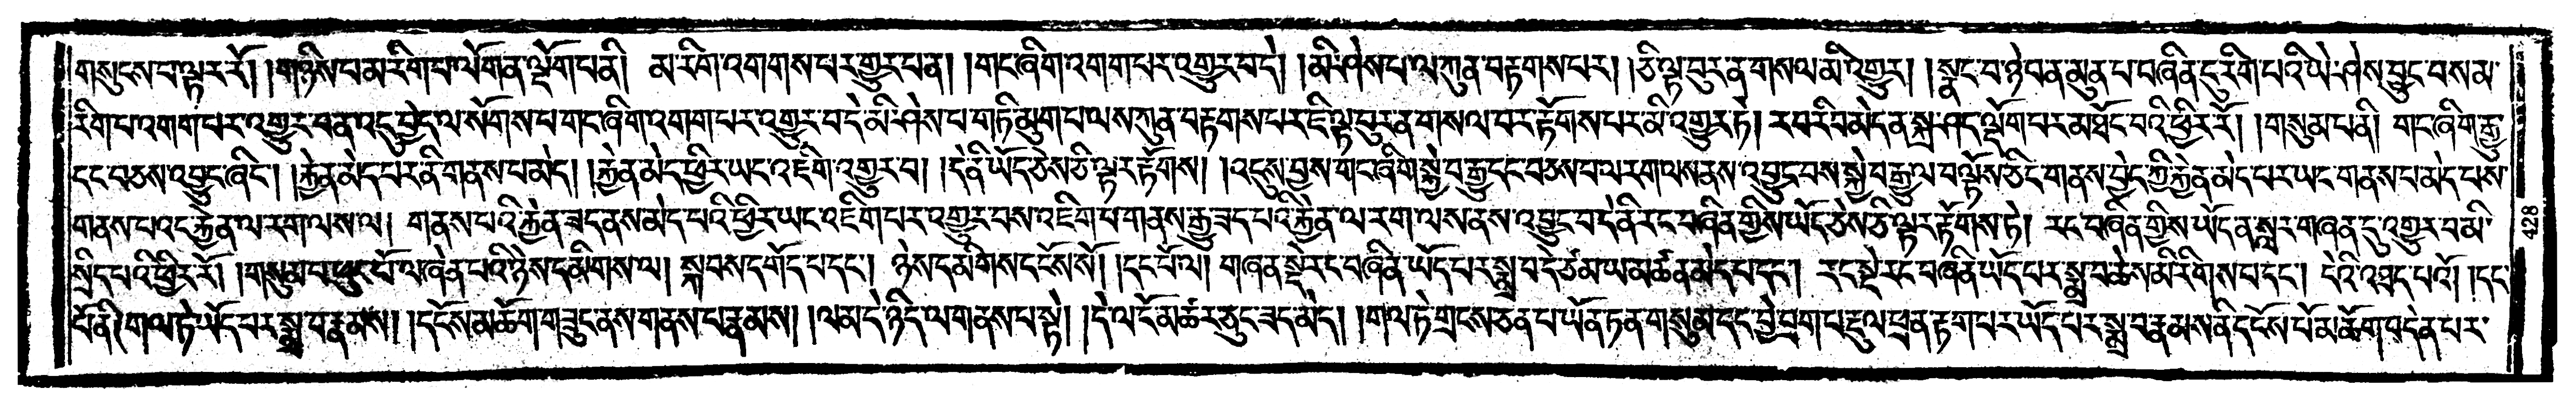གསུངས་པ་ལྟར་རོ། །གཉིས་པ་མ་རིག་པ་ལོག་ན་ལྡོག་པ་ནི། མ་རིག་འགགས་པར་གྱུར་པ་ན། །གང་ཞིག་འགག་པར་འགྱུར་བ་དེ། །མི་ཤེས་པ་ལ་ཀུན་བརྟགས་པར། །ཅི་ལྟ་བུར་ན་གསལ་མི་འགྱུར། །སྣང་བ་ཉེ་བ་ན་མུན་པ་བཞིན་དུ་རིག་པའི་ཡེ་ཤེས་བྱུང་བས་མ་
རིག་པ་འགག་པར་འགྱུར་བ་ན་འདུ་བྱེད་ལ་སོགས་པ་གང་ཞིག་འགག་པར་འགྱུར་བ་དེ་མི་ཤེས་པ་གཏི་མུག་པ་ལས་ཀུན་བརྟགས་པར་ཇི་ལྟ་བུར་ན་གསལ་བར་རྟོགས་པར་མི་འགྱུར་ཏེ། རབ་རིབ་མེད་ན་སྐྲ་ཤད་ལྡོག་པར་མཐོང་བའི་ཕྱིར་རོ། །གསུམ་པ་ནི། གང་ཞིག་རྒྱུ་
དང་བཅས་འབྱུང་ཞིང་། །རྐྱེན་མེད་པར་ནི་གནས་པ་མེད། །རྐྱེན་མེད་ཕྱིར་ཡང་འཇིག་འགྱུར་བ། །དེ་ནི་ཡོད་ཅེས་ཅི་ལྟར་རྟོགས། །འདུས་བྱས་གང་ཞིག་སྐྱེ་བ་རྒྱུ་དང་བཅས་པ་ལ་རག་ལས་ནས་འབྱུང་བས་སྐྱེ་བ་རྒྱུ་ལ་བལྟོས་ཅིང་གནས་བྱེད་ཀྱི་རྐྱེན་མེད་པར་ཡང་གནས་པ་མེད་པས་
གནས་པའང་རྐྱེན་ལ་རག་ལས་ལ། གནས་པའི་རྐྱེན་ཟད་ནས་མེད་པའི་ཕྱིར་ཡང་འཇིག་པར་འགྱུར་བས་འཇིག་པ་གནས་རྒྱུ་ཟད་པའི་རྐྱེན་ལ་རག་ལས་ནས་འབྱུང་བ་དེ་ནི་རང་བཞིན་གྱིས་ཡོད་ཅེས་ཅི་ལྟར་རྟོགས་ཏེ། རང་བཞིན་གྱིས་ཡོད་ན་སླར་གཞན་དུ་འགྱུར་བ་མི་
སྲིད་པའི་ཕྱིར་རོ། །གསུམ་པ་ཕུང་པོ་ལ་ཞེན་པའི་ཉེས་དམིགས་ལ། སྐབས་དགོད་པ་དང་། ཉེས་དམིགས་དངོས་སོ། །དང་པོ་ལ། གཞན་སྡེ་རང་བཞིན་ཡོད་པར་སྨྲ་བ་དེ་ཙམ་ཡ་མཚན་མེད་པ་དང་། ཡྲང་སྡེ་རང་བཞིན་ཡོད་པར་སྨྲ་བ་ཆེས་མི་རིགས་པ་དང་། དེའི་འཐད་པའོ། །དང་
པོ་ནི། གལ་ཏེ་ཡོད་པར་སྨྲ་བ་རྣམས། །དངོས་མཆོག་གཟུང་ནས་གནས་པ་རྣམས། །ལམ་དེ་ཉིད་ལ་གནས་པ་སྟེ། །དེ་ལ་ངོ་མཚར་ཅུང་ཟད་མེད། །གལ་ཏེ་གྲངས་ཅན་པ་ཡོན་ཏན་གསུམ་དང་བྱེ་བྲག་པ་རྡུལ་ཕྲན་རྟག་པར་ཡོད་པར་སྨྲ་བ་རྣམས་ནི་དངོས་པོ་མཆོག་བདེན་པར་